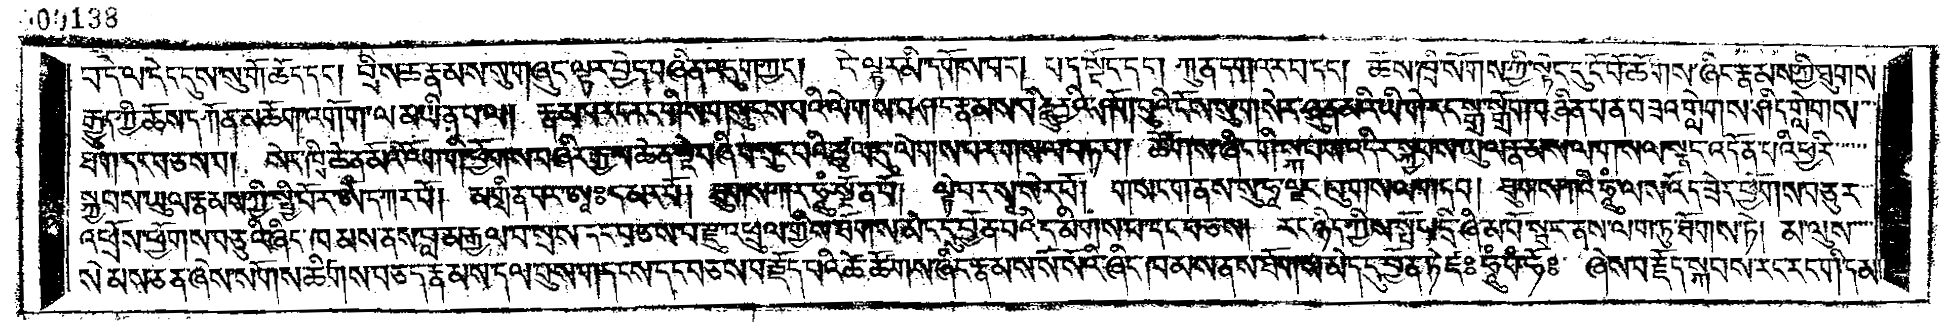པ་དེ་ལ་དེང་དུས་སུ་གོ་ཆོད་དང་། བྲིས་ཆ་རྣམས་སུ་གཞུང་ལྟར་བྱེད་བཞིན་འདུག་ཀྱང་། དེ་ལྟར་མི་དགོས་པར། པད་སྡོང་དང་། ཀུན་དགའ་ར་བ་དང་། ཆོས་ཁྲི་སོགས་ཀྱི་སྟེང་དུ་ངོ་བོ་ཚོགས་ཞིང་རྣམས་ཀྱི་ཐུགས་
རྒྱུད་ཀྱི་ཆོས་དཀོན་མཆོག་འགོག་ལམ་ཡིན་པ་ལ། རྣམ་པ་རང་རང་གིས་གསུངས་པའི་ལེགས་བཤད་རྣམས་བཻཌཱུརྱའི་ཤོག་བུའི་ངོས་སུ་གསེར་ཞུན་མའི་ཡི་གེ་རང་སྒྲ་སྒྲོག་བཞིན་པ་ན་བཟའ་གླེགས་ཤིང་གླེགས་
ཐག་དང་བཅས་པ། སེང་ཁྲི་ཆེན་མོའི་འོག་གི་ཕྱོགས་བཞིར་རྒྱལ་ཆེན་སྡེ་བཞི་བསྲུང་བའི་ཚུལ་དུ་ལེགས་པར་གསལ་བཏབ། ཚོགས་ཞིང་གི་སྐབས་འདིར་སྐྱབས་ཡུལ་རྣམས་ལ་གསལ་སྣང་འདོན་པའི་ཕྱིར་
སྐྱབས་ཡུལ་རྣམས་ཀྱི་སྤྱི་བོར་ཨོཾ་དཀར་པོ། མགྲིན་པར་ཨཱཿ དམར་པོ། ཐུགས་ཀར་ཧཱུཾ་སྔོན་པོ། ལྟེ་བར་སྭཱ་སེར་པོ། གསང་གནས་སུ་ཧཱ་ལྗང་ཁུ་གསལ་གདབ། ཐུགས་ཀའི་ཧཱུཾ་ལས་འོད་ཟེར་ཕྱོགས་བཅུར་
འཕྲོས་ཕྱོགས་བཅུའི་ཞིང་ཁམས་ནས་བླ་མ་རྒྱལ་བ་སྲས་དང་བཅས་པ་རྫུ་འཕྲུལ་གྱིས་ཐོགས་མེད་དུ་བྱོན་པའི་དམིགས་པ་དང་བཅས། རང་ཉིད་ཀྱིས་སྤོས་དྲི་ཞིམ་པོ་སྦར་ནས་ལག་ཏུ་ཐོགས་ཏེ། མ་ལུས་
སེམས་ཅན་ཞེས་སོགས་ཚིགས་བཅད་རྣམས་དལ་པུས་གདངས་དང་བཅས་བརྗོད་པའི་ཚེ་ཚོགས་ཞིང་རྣམས་སོ་སོའི་ཞིང་ཁམས་ནས་ཐོགས་མེད་དུ་བྱོན་ཏེ་ཛཿ ཧཱུཾ་བཾ་ཧོཿ ཞེས་བརྗོད་སྐབས་རང་རང་གི་དམ་